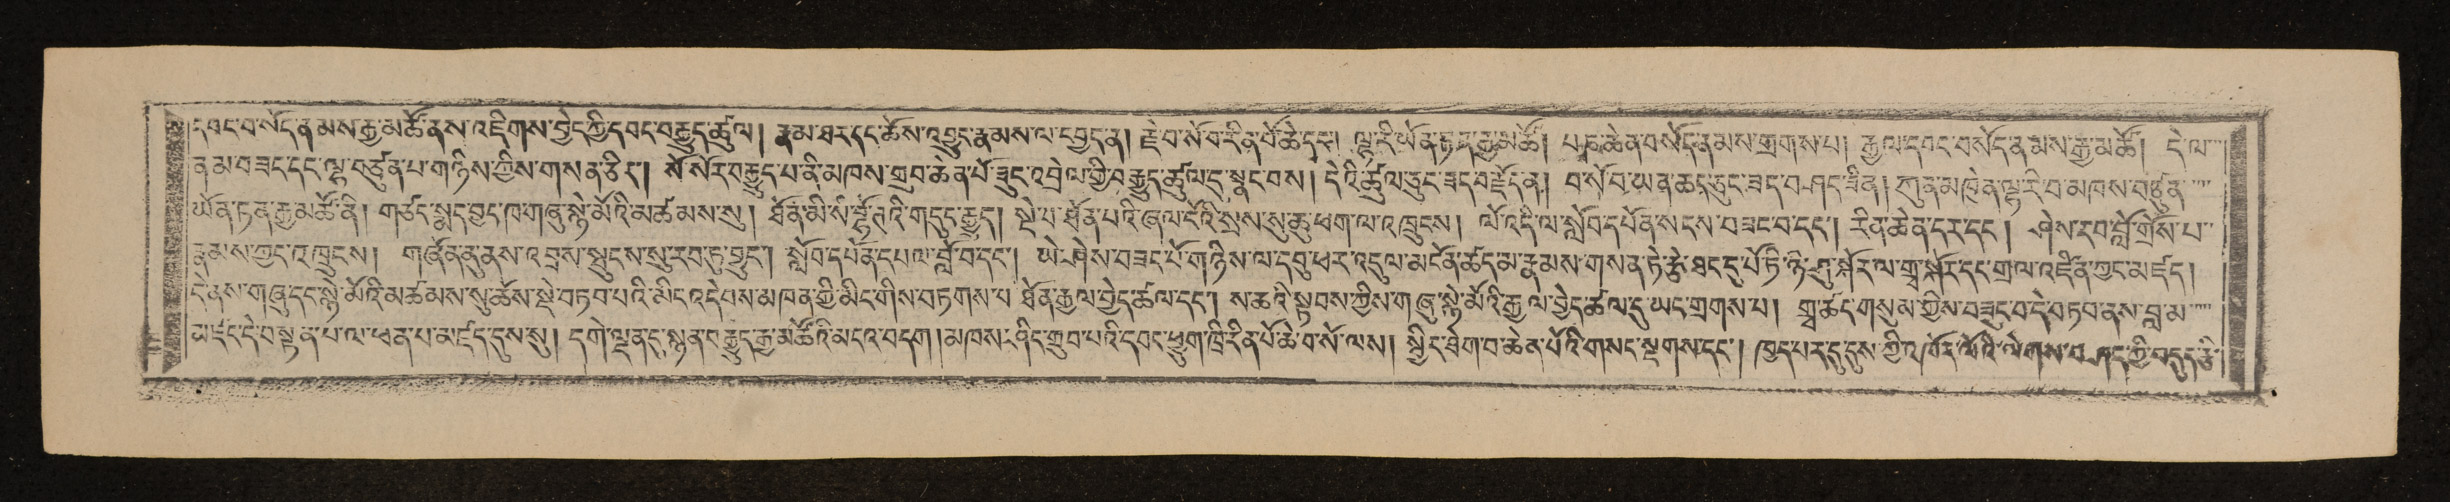དབང་བསོད་ནམས་རྒྱ་མཚོ་ནས་འཇིགས་བྱེད་ཀྱི་དབང་བརྒྱུད་ཚུལ། རྣམ་ཐར་དང་ཆོས་འབྱུང་རྣམས་ལ་དཔྱད་ན། རྗེ་བ་སོ་བ་རིན་པོ་ཆེ་དང་། ལྷ་རི་ཡོན་ཏན་རྒྱ་མཚོ། པཎ་ཆེན་བསོད་ནམས་གྲགས་པ། རྒྱལ་དབང་བསོད་ནམས་རྒྱ་མཚོ། དེ་ལ་
ནམ་བཟང་དང་ལྷ་བཙུན་པ་གཉིས་ཀྱིས་གསན་ཅིང་། སོ་སོར་བརྒྱུད་པ་ནི་མཁས་གྲུབ་ཆེན་པོ་ཟུང་འབྲལ་གྱི་བརྒྱུད་ཚུལ་དུ་སྣང་བས། དེའི་ཚུལ་ཅུང་ཟད་བརྗོད་ན། བསོ་བ་ཡན་ཆད་ཅུང་ཟད་བཤད་ཟིན། ཀུན་མཁྱེན་ལྷ་རི་བ་མཁས་བཙུན་
ཡོན་ཏན་རྒྱ་མཚོ་ནི། གཙང་སྨད་བྱང་ཁ་གཞུ་སྙེ་མོའི་མཚམས་སུ། ཐོན་མི་སཾ་བྷོ་ཊའི་གདུང་རྒྱུད། སྡེ་པ་ཐོན་པའི་ཞལ་ངོའི་སྲས་སུ་ཆུ་ཕག་ལ་འཁྲུངས། ལོ་འདི་ལ་སློབ་དཔོན་སངས་བཟང་བ་དང་། རིན་ཆེན་དར་དང་། ཤེས་རབ་བློ་གྲོས་པ་
རྣམས་ཀྱང་འཁྲུངས། གཞོན་ནུ་ནས་འབྲས་སྤུངས་སུ་རབ་ཏུ་བྱུང་། སློབ་དཔོན་དཔལ་བློ་བ་དང་། ཡེ་ཤེས་བཟང་པོ་གཉིས་ལ་དབུ་ཕར་འདུལ་མངོན་ཚད་མ་རྣམས་གསན་ཏེ་རྩེ་ཐང་དུ་པོ་ཏི་ཉི་ཤུ་སྐོར་ལ་གྲྭ་སྐོར་དང་གྲལ་འཛིན་ཀྱང་མཛད།
དེ་ནས་གཞུ་དང་སྙེ་མོའི་མཚམས་སུ་ཆོས་སྡེ་བཏབ་པའི་མིང་འདེབས་མཁན་གྱི་མིང་གིས་བཏགས་པ་ཐོན་རྒྱལ་བྱེད་ཚལ་དང་། ས་ཆའི་སྟབས་ཀྱིས་གཞུ་སྙེ་མོའི་རྒྱལ་བྱེད་ཚལ་དུ་ཡང་གྲགས་པ། གྲྭ་ཚང་གསུམ་གྱིས་བཟུང་བ་དེ་བཏབ་ནས་བླ་མ་
མཛད་དེ་བསྟན་པ་ལ་ཕན་པ་མཛད་དུས་སུ། དགེ་ལྡན་དུ་སྙན་བརྒྱུད་རྒྱ་མཚོའི་མངའ་བདག །མཁས་ཤིང་གྲུབ་པའི་དབང་ཕྱུག་ཁྲི་རིན་པོ་ཆེ་བ་སོ་ལས། སྤྱིར་ཐེག་པ་ཆེན་པོའི་གསང་སྔགས་དང་། ཁྱད་པར་དུ་དུས་ཀྱི་འཁོར་ལོའི་ལེགས་བཤད་ཀྱི་བདུད་རྩི་